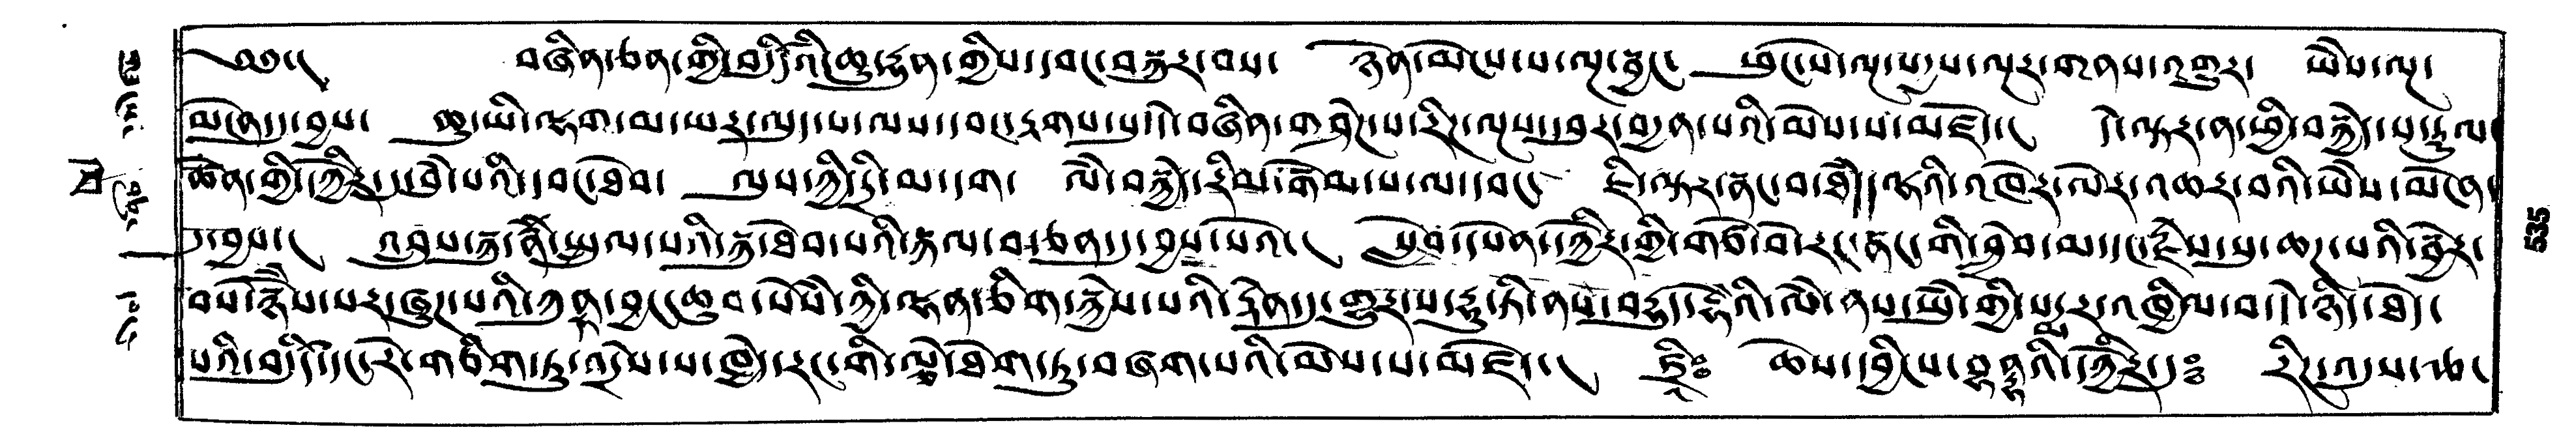བཞིན་ཅན་གྱི་བདུད་རྩིའི་ཆུ་རྒྱུན་གྱིས་དབང་བསྐུར་བས། ཉོན་མོངས་པ་ལྔ་སྦྱངས། ཕུང་པོ་ལྔ་སངས་རྒྱས་ལྔར་གནས་གྱུར། ཡེ་ཤེས་ལྔ་
མངོན་དུ་བྱས། ཆུའི་ལྷག་མ་ཡར་ལུད་པ་ལས་དབང་རྟགས་སུ་དེ་བཞིན་གཤེགས་པ་རིགས་ལྔས་དབུ་བརྒྱན་པའི་མོས་པ་མཛོད། དེ་ལྟར་ན་ཕྱི་བསྐྱེད་པ་རྡུལ་
ཚོན་གྱི་དཀྱིལ་འཁོར་དུ་བུམ་པའི་དབང་ཐོབ། ལུས་ཀྱི་དྲི་མ་དག ལམ་བསྐྱེད་རིམ་སྒོམ་པ་ལ་དབང་། ཇི་ལྟར་སྣང་བ་ཐམས་ཅད་ལྷའི་འཁོར་ལོར་འཆར་བའི་ཡེ་ཤེས་མངོན་
དུ་བྱས། འབྲས་བུ་སྐུ་རྡོ་རྗེ་སྤྲུལ་པའི་སྐུ་ཐོབ་པའི་སྐལ་བ་ཅན་དུ་བྱས་པའོ།། སློབ་དཔོན་དཀྱིལ་འཁོར་གྱི་གཙོ་བོ་རང་སྣང་གི་ཤེས་རབ་མ་དང་རྗེས་སུ་ཆགས་པའི་སྦྱོར་
བས་སྙོམས་པར་ཞུགས་པའི་ཀུནྡ་བྱང་ཆུབ་སེམས་ཀྱི་ལྷན་ཅིག་སྐྱེས་པའི་རྟེན་དུ་གྱུར་པ་དྷུ་ཏི་ནས་བརྒྱུད་རྡོ་རྗེའི་ལམ་ནས་ཡུམ་གྱི་པདྨར་འཁྱིལ་བ་དེ་ཉིད་ཐོད་
པའི་བདུད་རྩི་དང་རོ་གཅིག་ཏུ་འདྲེས་པ་ཁྱེད་རང་གི་ལྕེ་ཐོག་ཏུ་བཞག་པའི་མོས་པ་མཛོད། ཧྲཱི༔ ཆོས་དབྱིངས་བྷནྡྷའི་དཀྱིལ་འཁོར་དུ༔རིགས་འདུས་རྩ་